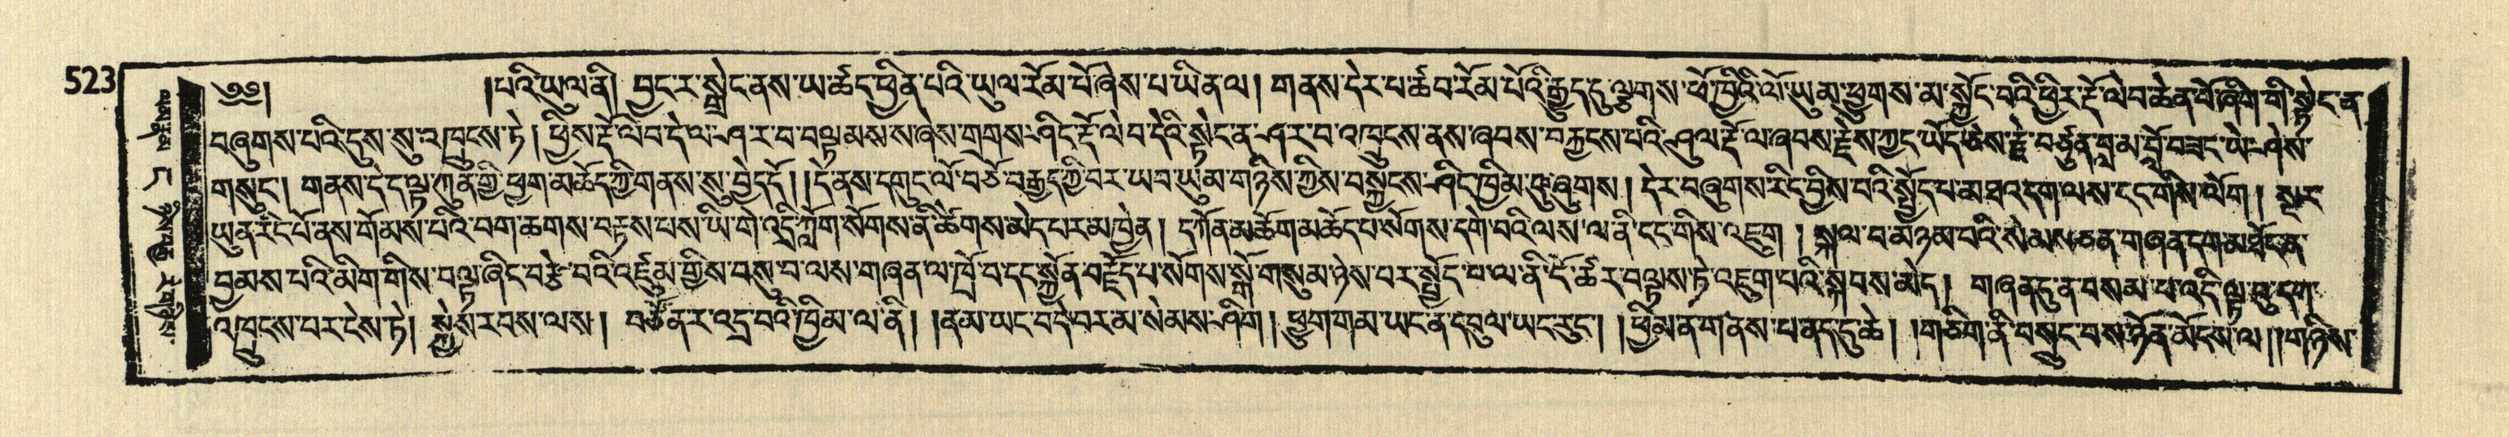༄༅། །པའི་ཡུལ་ནི། བྱང་ར་སྒྲེང་ནས་ཡ་ཚང་ཕྱིན་པའི་ཡུལ་རོམ་པོ་ཞེས་པ་ཡིན་ལ། གནས་དེར་པ་ཚབ་རོམ་པོའི་རྒྱུད་དུ་ལྕགས་ཕོ་ཁྱིའི་ལོ་ཡུམ་ཕྱུགས་མ་སྐྱོང་བའི་ཕྱིར་རྡོ་ལེབ་ཆེན་པོ་ཞིག་གི་སྟེང་ན་
བཞུགས་པའི་དུས་སུ་འཁྲུངས་ཏེ། ཕྱིས་རྡོ་ལེབ་དེ་ལ་ཤ་ར་བ་བལྟམས་ས་ཞེས་གྲགས་ཤིང་རྡོ་ལེབ་དེའི་སྟེང་ན་ཤར་བ་འཁྲུངས་ནས་ཞབས་བརྐྱངས་པའི་ཤུལ་རྡོ་ལ་ཞབས་རྗེས་ཀྱང་ཡོད་ཅེས་རྗེ་བཙུན་བླ་མ་བློ་བཟང་ཡེ་ཤེས་
གསུང་། གནས་དེ་ད་ལྟ་ཀུན་གྱི་ཕྱག་མཆོད་ཀྱི་གནས་སུ་བྱེད་དོ། །དེ་ནས་དགུང་ལོ་བཅོ་བརྒྱད་ཀྱི་བར་ཡབ་ཡུམ་གཉིས་ཀྱིས་བསྐྱངས་ཤིང་ཁྱིམ་དུ་བཞུགས། དེར་བཞུགས་རིང་བྱིས་པའི་སྤྱོད་པ་མཐའ་དག་ལས་དང་གིས་ལོག། སྔར་
ཡུན་རིང་པོ་ནས་གོམས་པའི་བག་ཆགས་བརྟགས་པས་ཡི་གེ་འདྲི་ཀློག་སོགས་ནི་ཚེགས་མེད་པར་མཁྱེན། དཀོན་མཆོག་མཆོད་པ་སོགས་དགེ་བའི་ལས་ལ་ནི་ངང་གིས་འཇུག། སྐལ་བ་མཉམ་པའི་སེམས་ཅན་གཞན་དག་མཐོང་ན་
བྱམས་པའི་མིག་གིས་བལྟ་ཞིང་བརྩེ་བའི་འཛུམ་གྱིས་བསུ་བ་ལས་གཞན་ལ་ཁྲོ་བ་དང་སྐྱོན་བརྗོད་པ་སོགས་སྒོ་གསུམ་ཉེས་པར་སྤྱོད་པ་ལ་ནི་ངོ་ཚར་བལྟས་ཏེ་འཇུག་པའི་སྐབས་མེད། གཞན་དུ་ན་བསམ་པ་འདི་ལྟ་བུ་དག་
འཁྲུངས་བར་ངེས་ཏེ། སྐྱེས་རབས་ལས། བཙོན་ར་འདྲ་བའི་ཁྱིམ་ལ་ནི། །ནམ་ཡང་བདེ་བར་མ་སེམས་ཤིག། ཕྱུག་གམ་ཡང་ན་དབུལ་ཡང་རུང་། །ཕྱིམ་ན་གནས་པ་ནད་དུ་ཆེ། །གཅིག་ནི་བསྲུང་བས་ཉོན་མོངས་ལ། །གཉིས་